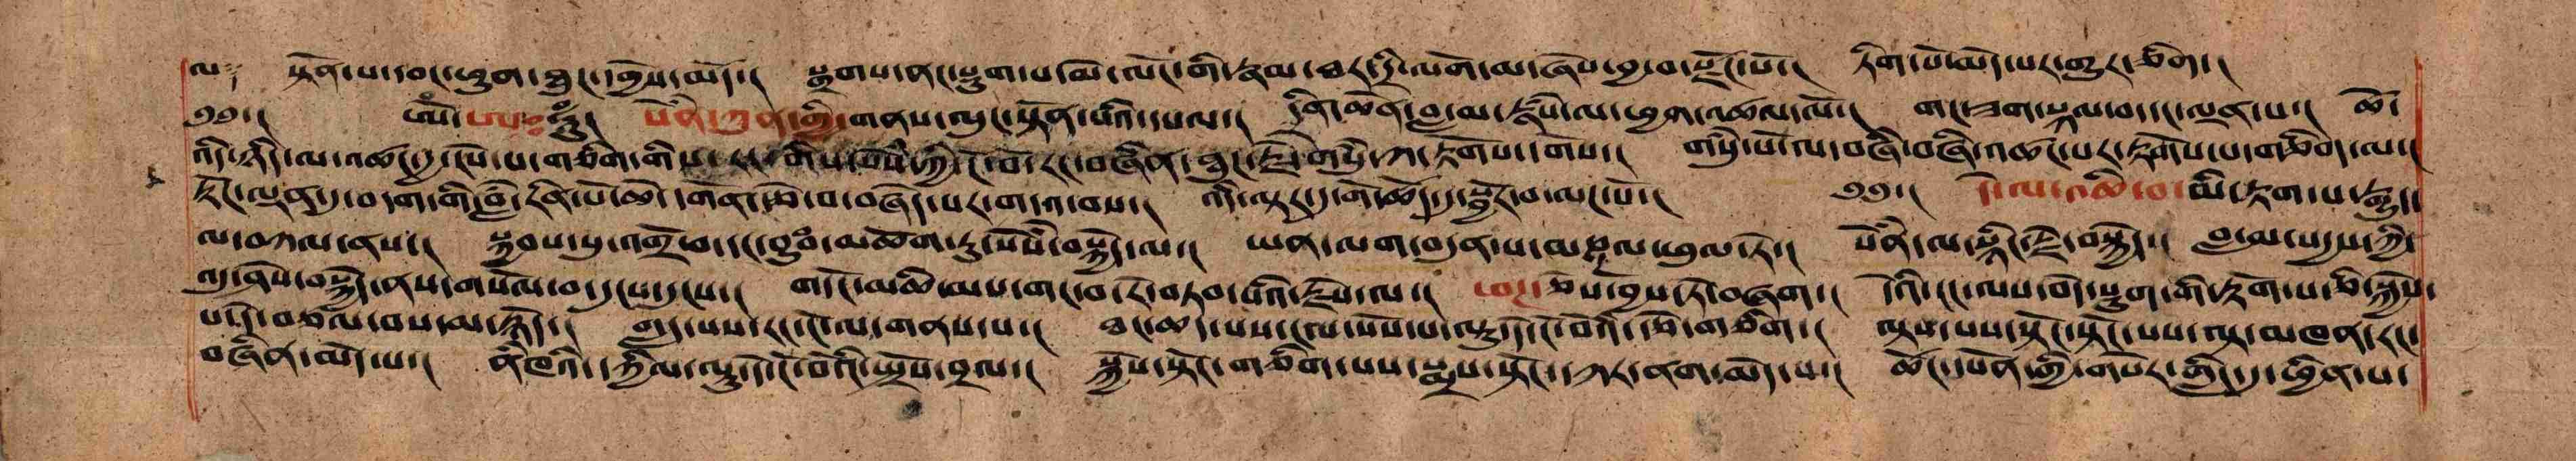ལ། སྟོན་པ་དབང་ཕྱུག་ཐུགས་དགྱེས་མཛོད། སྒྲགས་ནང་སྡུག་པ་མེ་ལོང་གི་རྣམ་ཐར་དྲི་ལོག་མ་ཞེས་བྱ་བ་རྫོགས་སོ། །ཏིག་པོ་མེད་པར་གྱུར་ཅིག།། 
༄༅། །ཨོཾ་ཨཱཿཧཱུཾ། སེམས་ཅན་ཀུན་གྱི་གནས་ལུགས་སྟོན་པའི་དཔལ། དྲིན་ཆེ་བླ་མ་རྣམས་ལ་ཕྱག་འཚལ་ལོ། གང་ཟག་སྐལ་པ་དང་ལྡན་པ། ཚེ་
འདི་ཉིད་ལ་འཚང་རྒྱ་ངེས་པ་གཅིག་གིས་རང་གིས་སེམས་ཀྱི་ངོ་བོ་རང་བཞིན་ཐུགས་རྗེ་གསུམ་ཀ་རྟོགས་དགོས། གསུམ་པོ་ལ་བཞི་བཞི་འཚང་པར་རྟོགས་པ་གཅིག་ལ་
རྟོགས་ལྡན་དུ་བདག་གི་བླ་མ་རིན་པོ་ཆེ་དགོན་རྩེ་བ་བཞེད་པར་གདའ་བས། འདི་ལྟར་དུ་གོ་ཆོད་དུ་སྦྱོར་བ་ལགས་སོ།། ༄༅། །དེ་ལ་འཆི་བ་མི་རྟག་པ་རྒྱུད་
ལ་བཀལ་ནས། སྐྱབས་སུ་འགྲོ་བ་བྱང་ཆུབ་མཆོག་ཏུ་སེམས་བསྐྱེད་ལ། ཡན་ལག་བདུན་པ་མཎྜལ་ཕུལ་ཏེ། སེམས་ཅན་ལ་སྙིང་རྗེ་བསྐྱེད། བླ་མ་སངས་རྒྱས་ཀྱི་
འདུ་ཤེས་བསྐྱེད་ནས་གསོལ་བ་དུངས་དུངས། གདོང་མཆི་མས་གང་བ་རེ་བཏབ་པའི་རྗེས་ལ། ཕཊ་ཅེས་བྱས་ཏེ་བཞག། དེའི་ངང་ལས་བདེ་སྡུག་གི་རྟོག་པ་ཅི་སྐྱེས་
པ་དེ་བཙལ་བས་མ་རྙེད། གླད་པས་རང་ངོ་ལ་གནས་པ། ཐང་ཆད་པས་ངལ་སོས་པ་ལྟ་བུ་དེ་ངོ་བོའི་རྩེ་གཅིག། ལྟས་པས་སྟོང་སྟོང་པས་ལྟ་མཁན་རང་
བཞིན་མེད་པ། ནམ་མཁའི་དཀྱིལ་ལྟ་བུ་དེ་ངོ་བོའི་སྤྲོས་བྲལ། སྐྱེས་སྟོང་གཅིག་པས་སྨྲས་སྟོང་དཀར་ནག་མེད་པ། ཚོང་དཔོན་གྱི་གསེར་གླིང་དུ་ཕྱིན་པ་